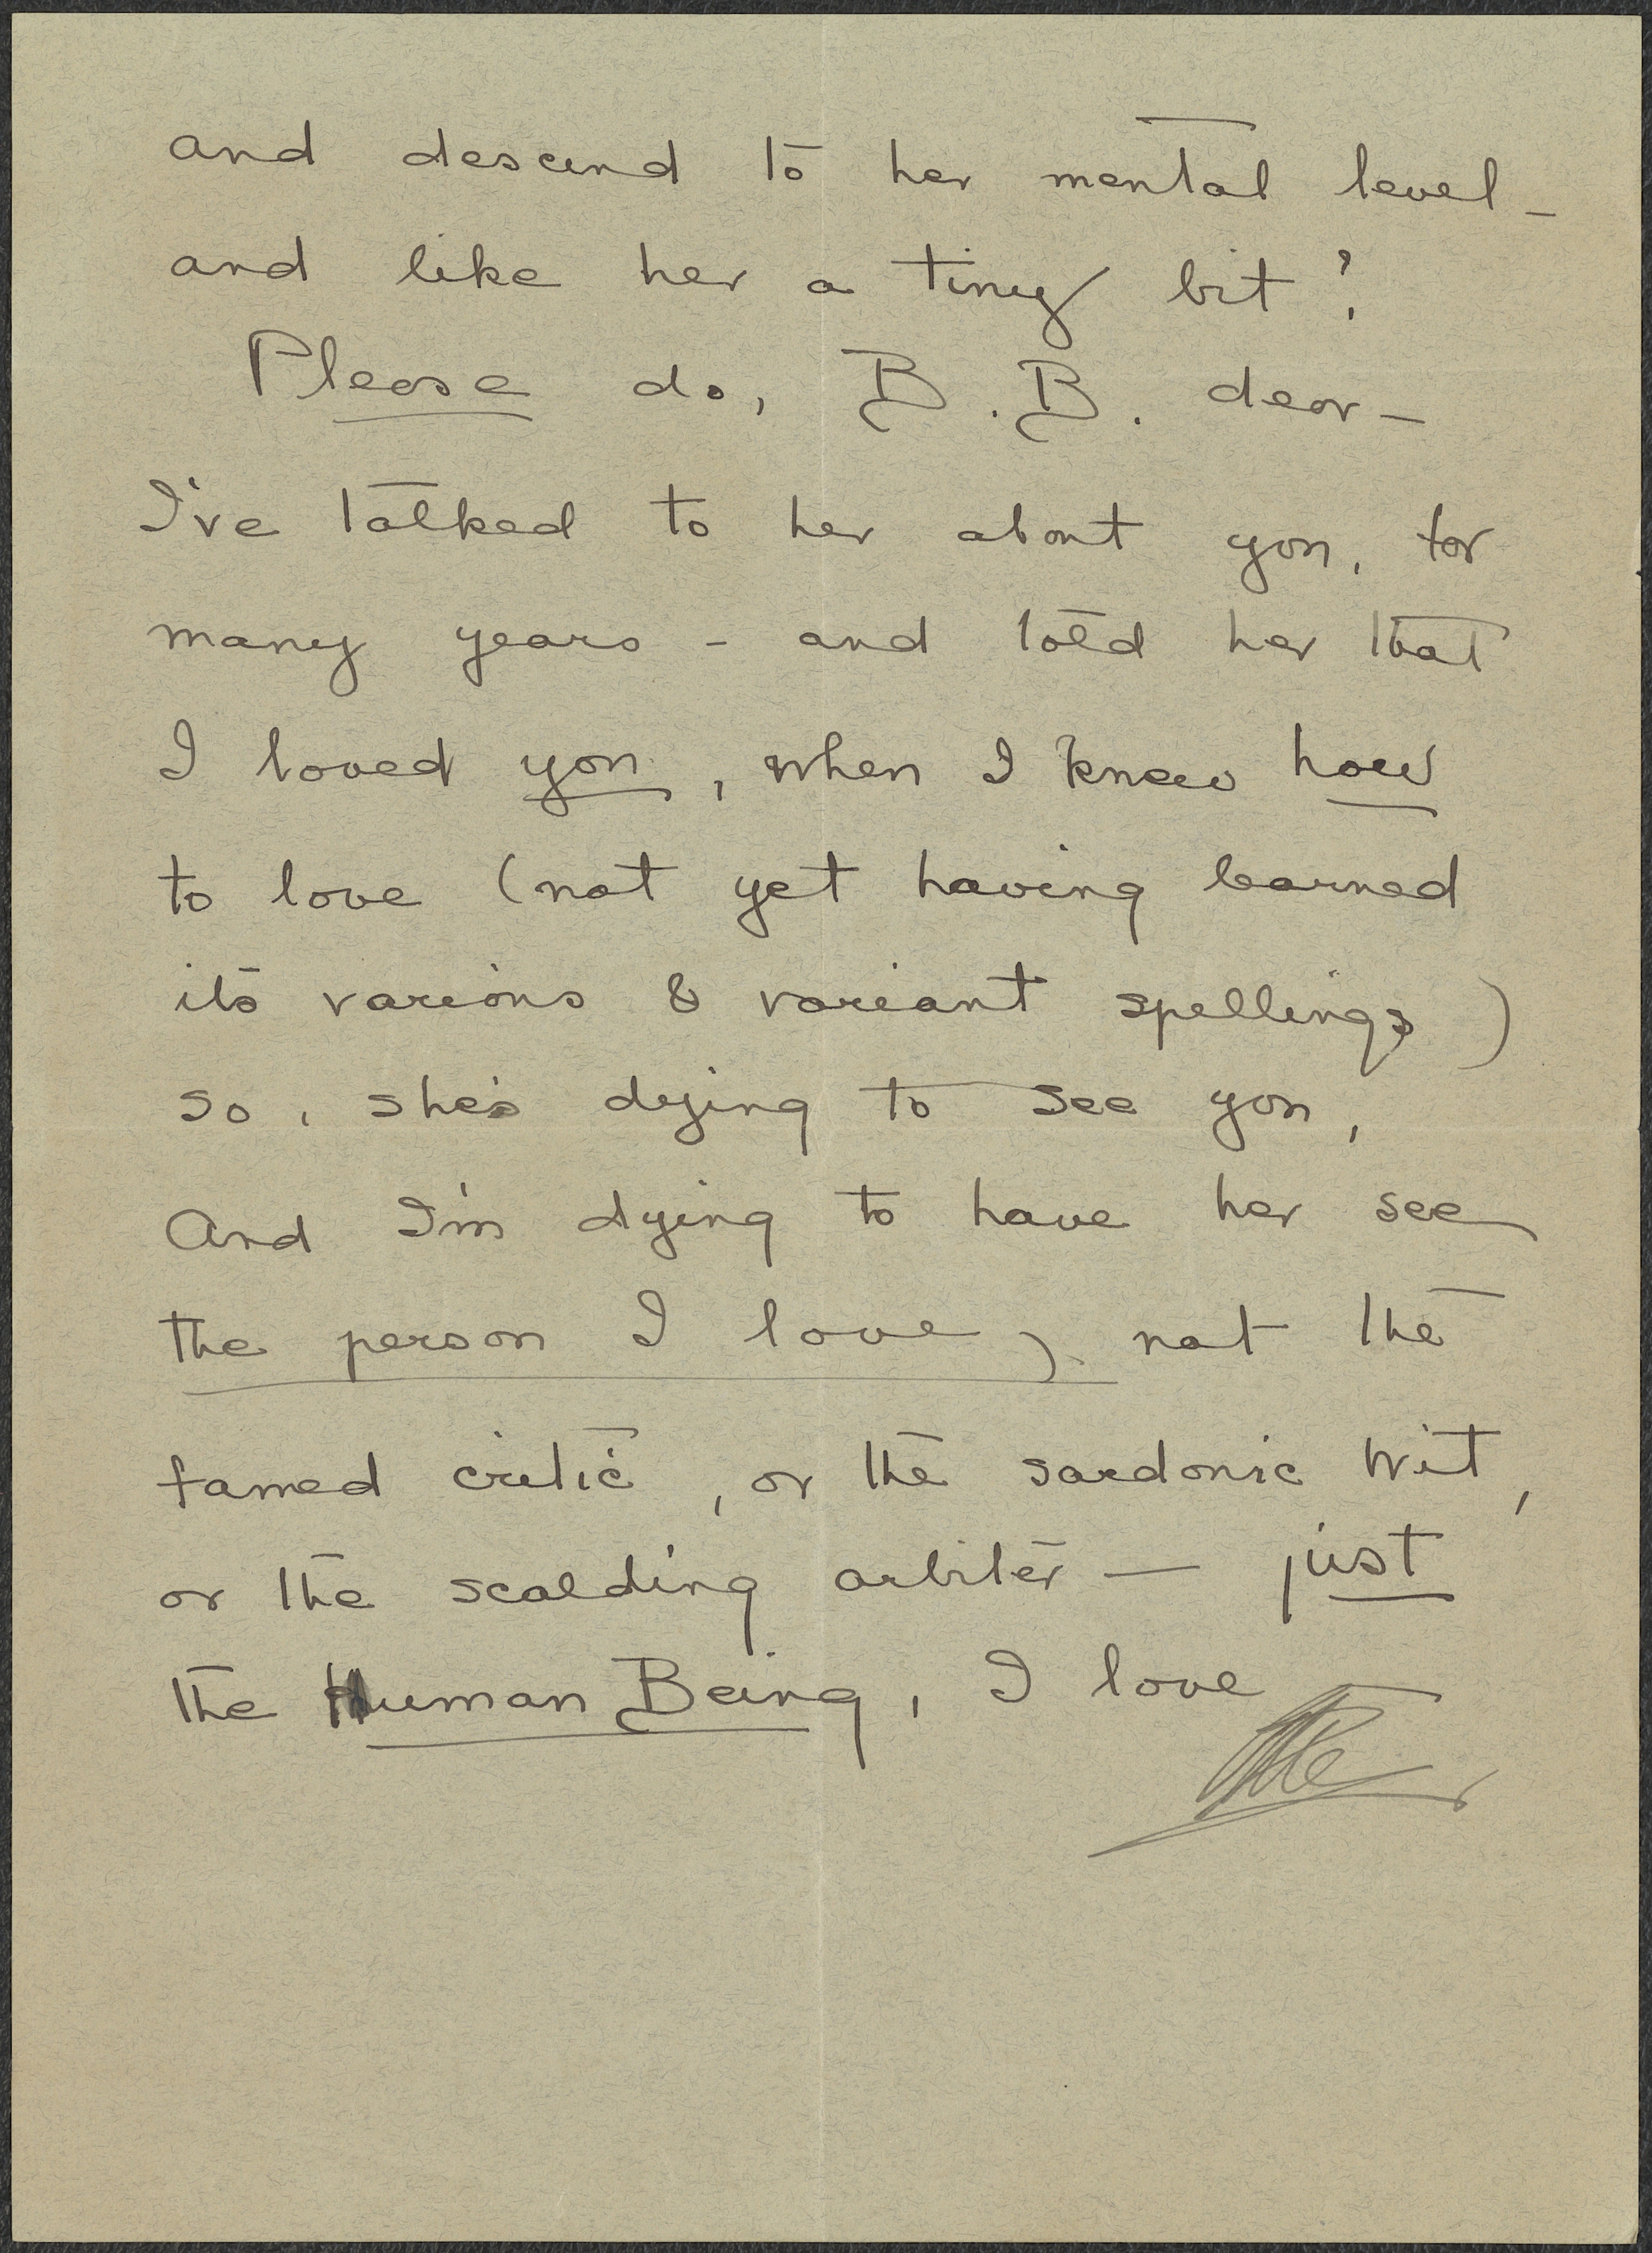and descend to her mental level – and like her a tiny bit?
Please do, B.B. dear – I’ve talked to her about you, for many years – and told her that I loved you, when I knew how to love (not yet having learned its various & variant spellings) so, she’s dying to see you, And I’m dying to have her see the person I love, not the famed critic, or the sardonic wit, or the scalding arbiter- just the Human Being, I love
Belle